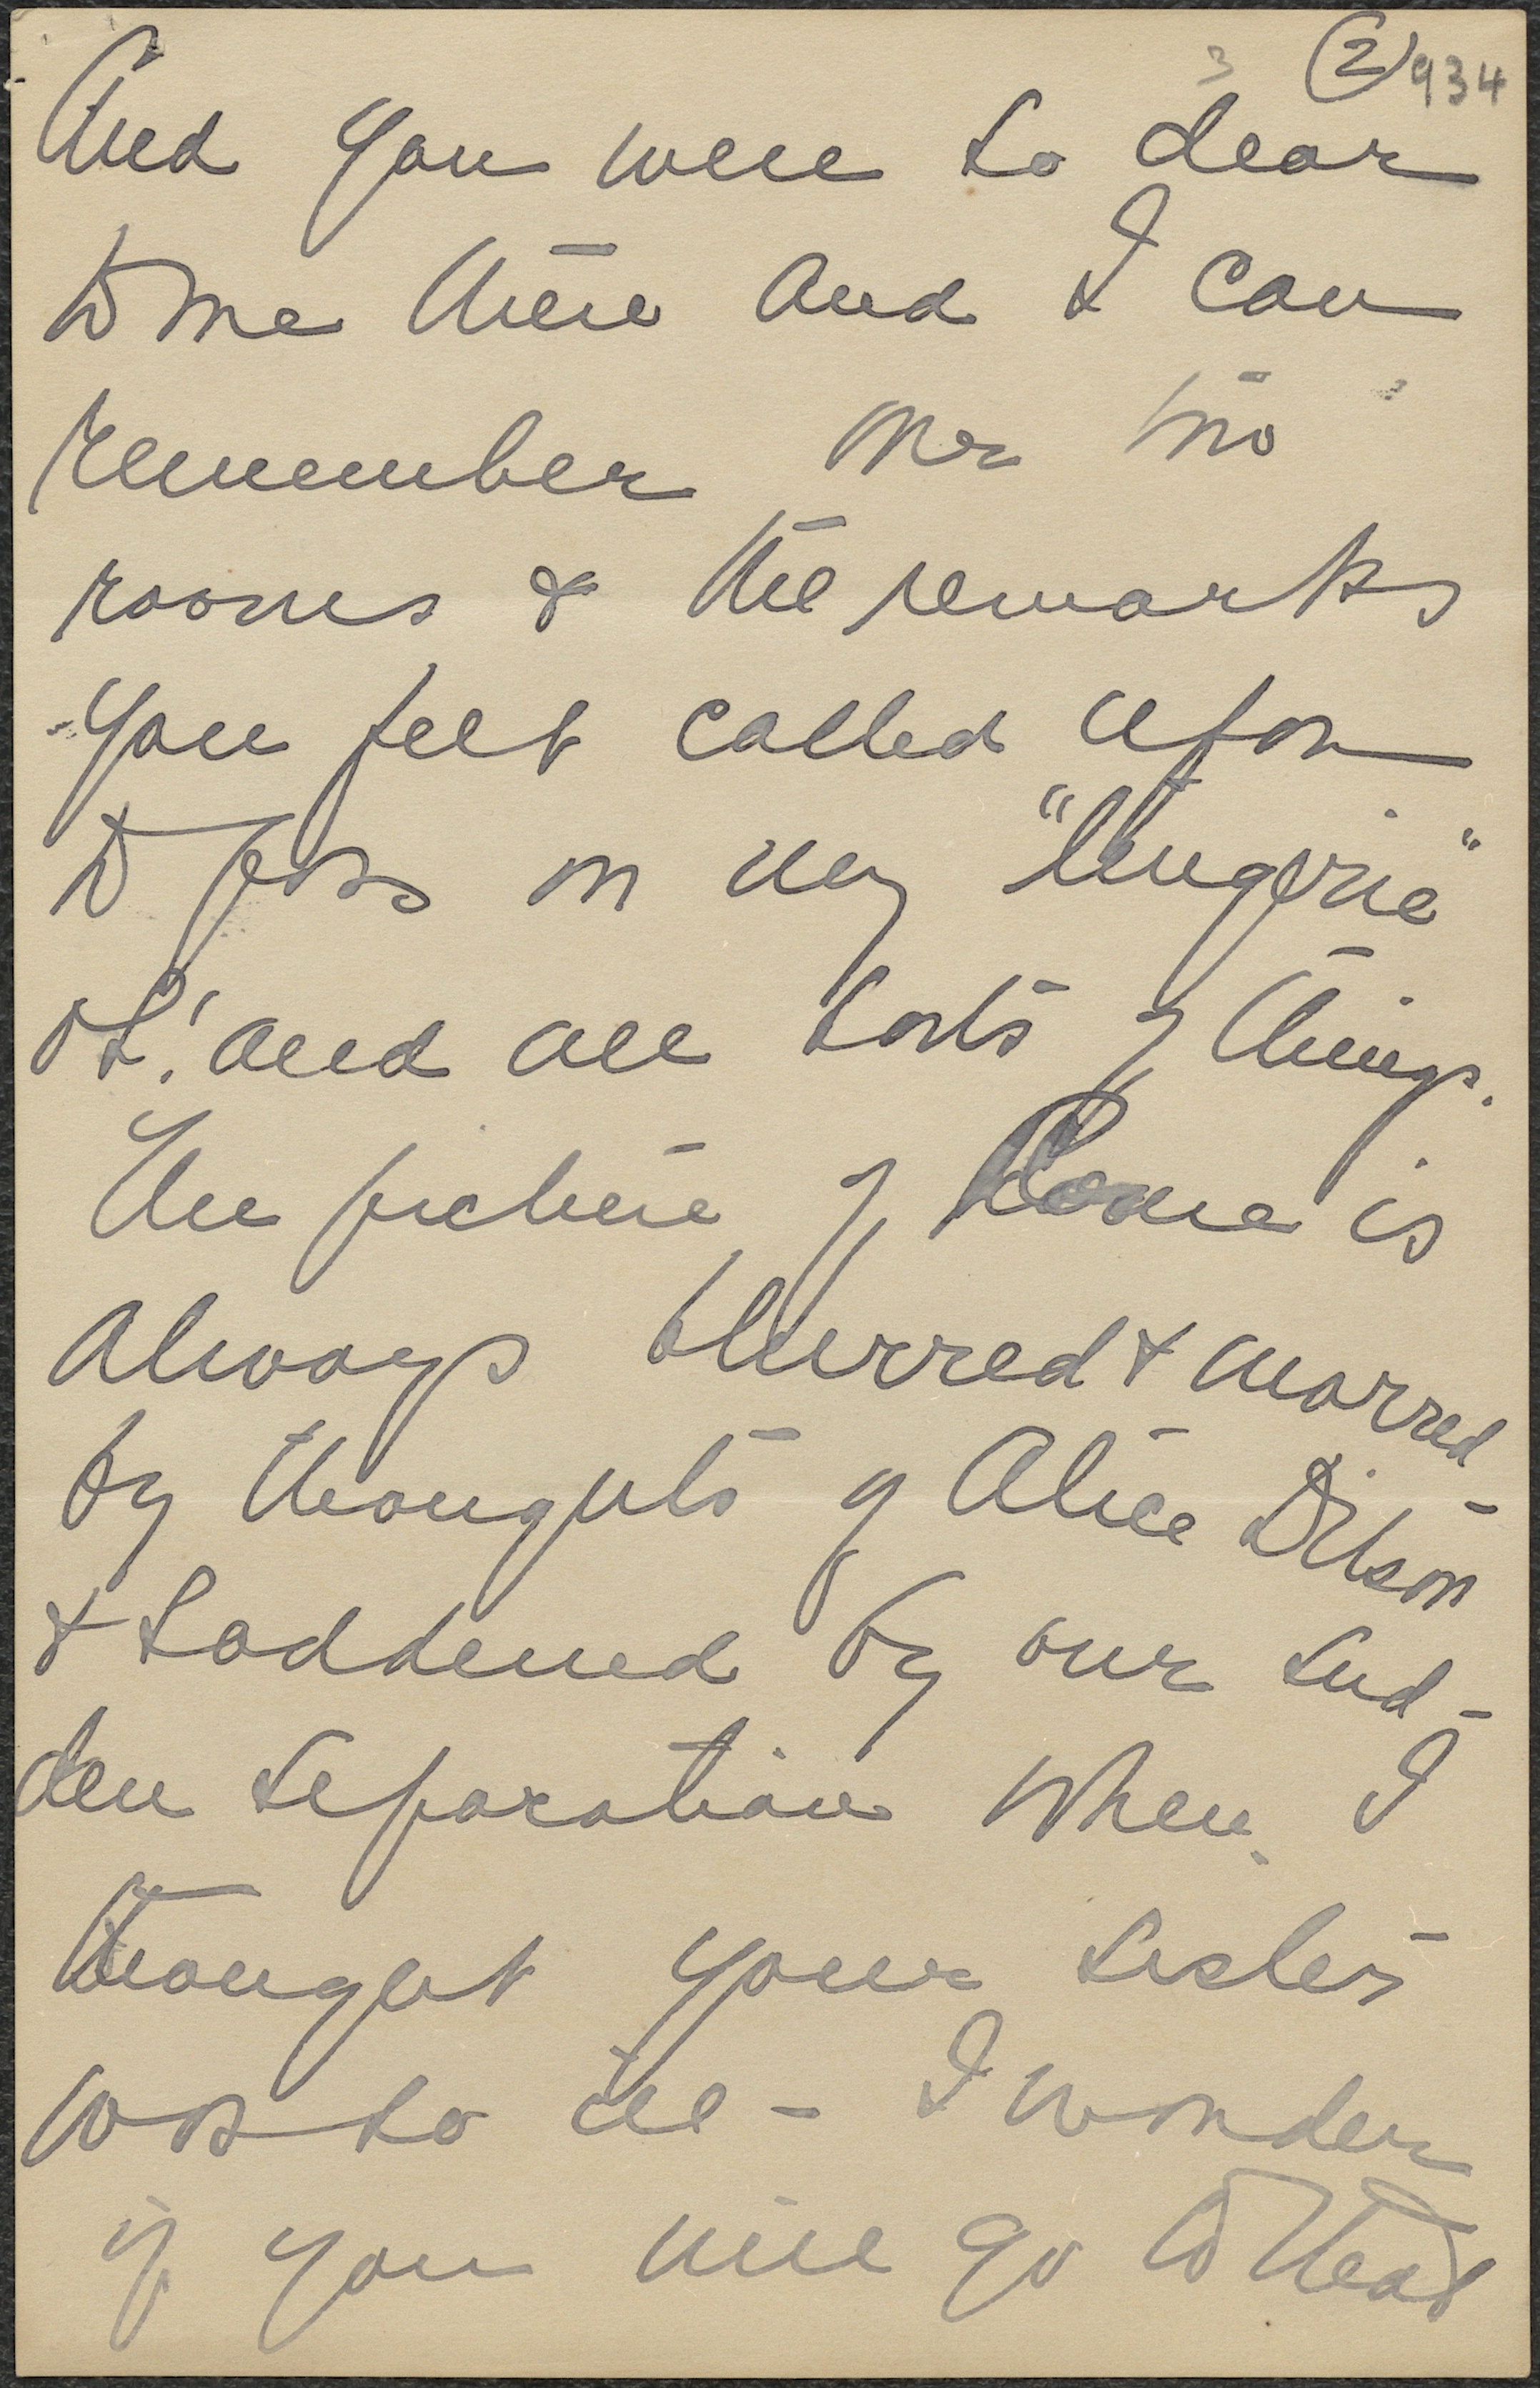[circled: 2]
And you were so dear to me there and I can remember our two rooms & the remarks – You felt called upon to pass on my “lingerie” oh! and all sorts of things.
The picture of Rome is always blurred & marred by thoughts of Alice Ditson & saddened by our sudden separation when I thought your sister was so ill – I wonder if you will go to that